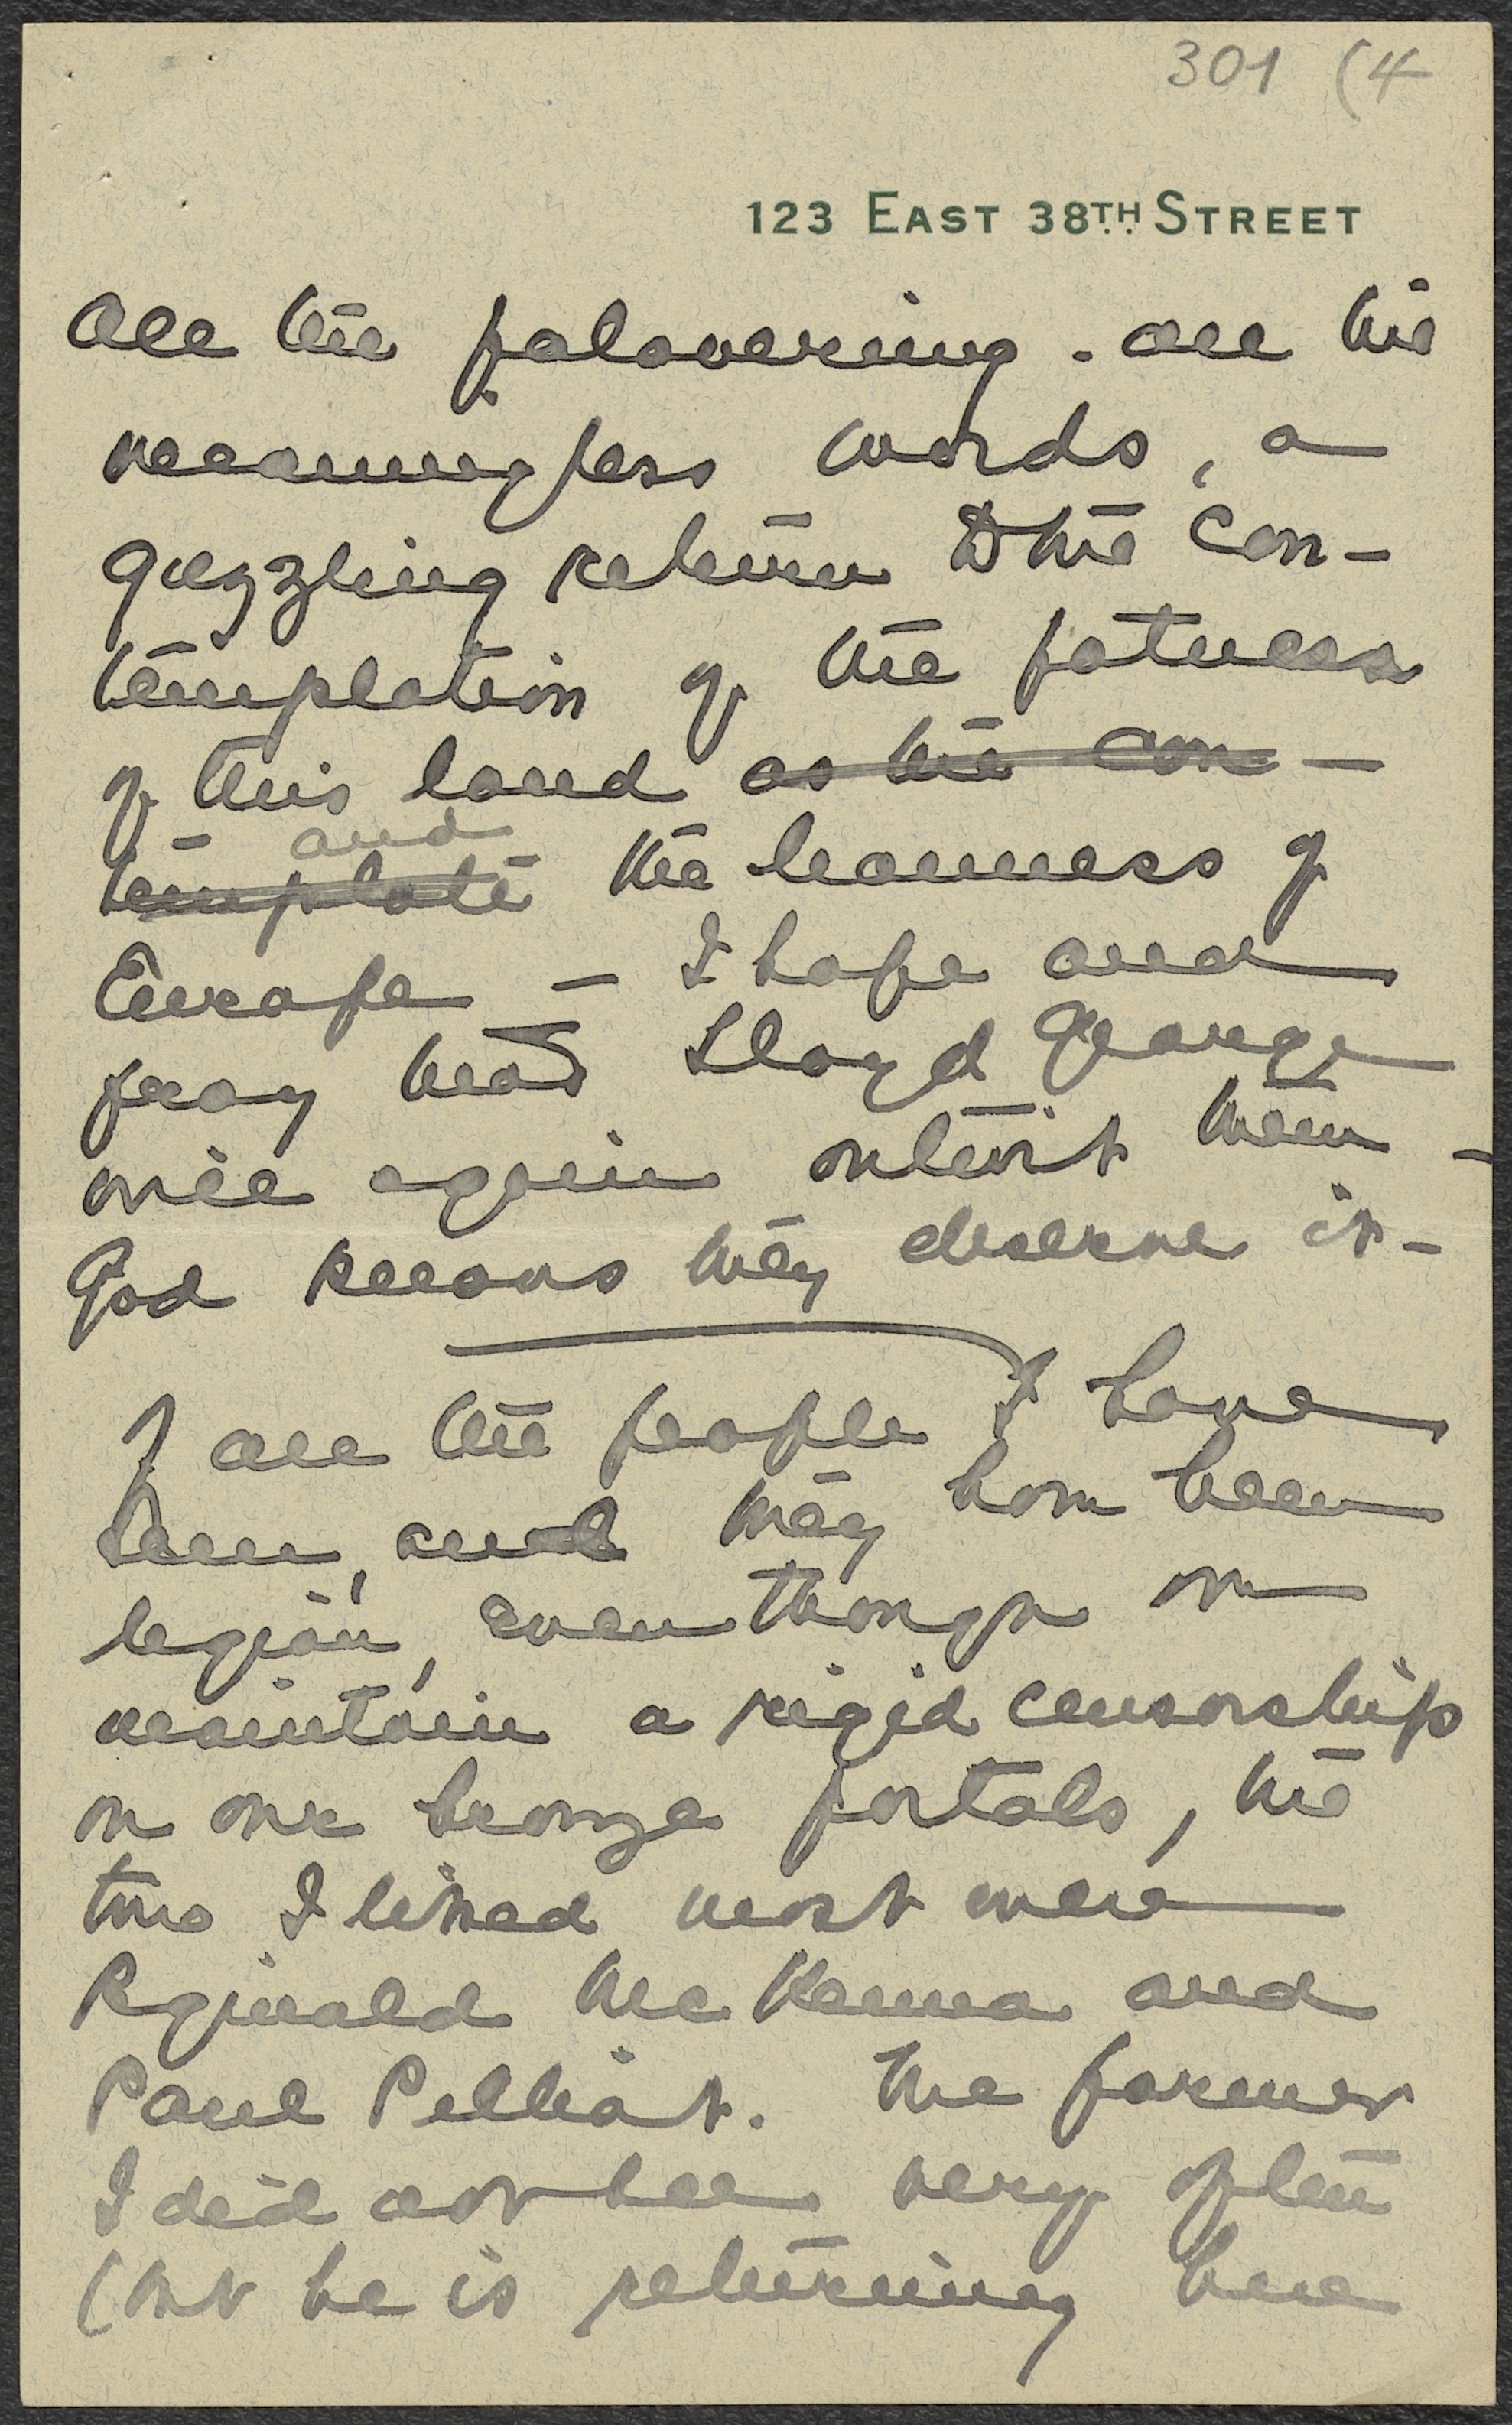all the palavering – all the meaningless words, a guzzling return to the contemplation of the fatness of this land as the contemplate [^and^] the leanness of Europe – I hope and pray that Lloyd George will again outwit them – God knows they deserve it –
of all the people I have seen, and they have been legion, even though we maintain a rigid censorship on our bronze portals, the two I liked most were Reginald McKenna and Paul Pelliot. The former I did not see very often (but he is returning here